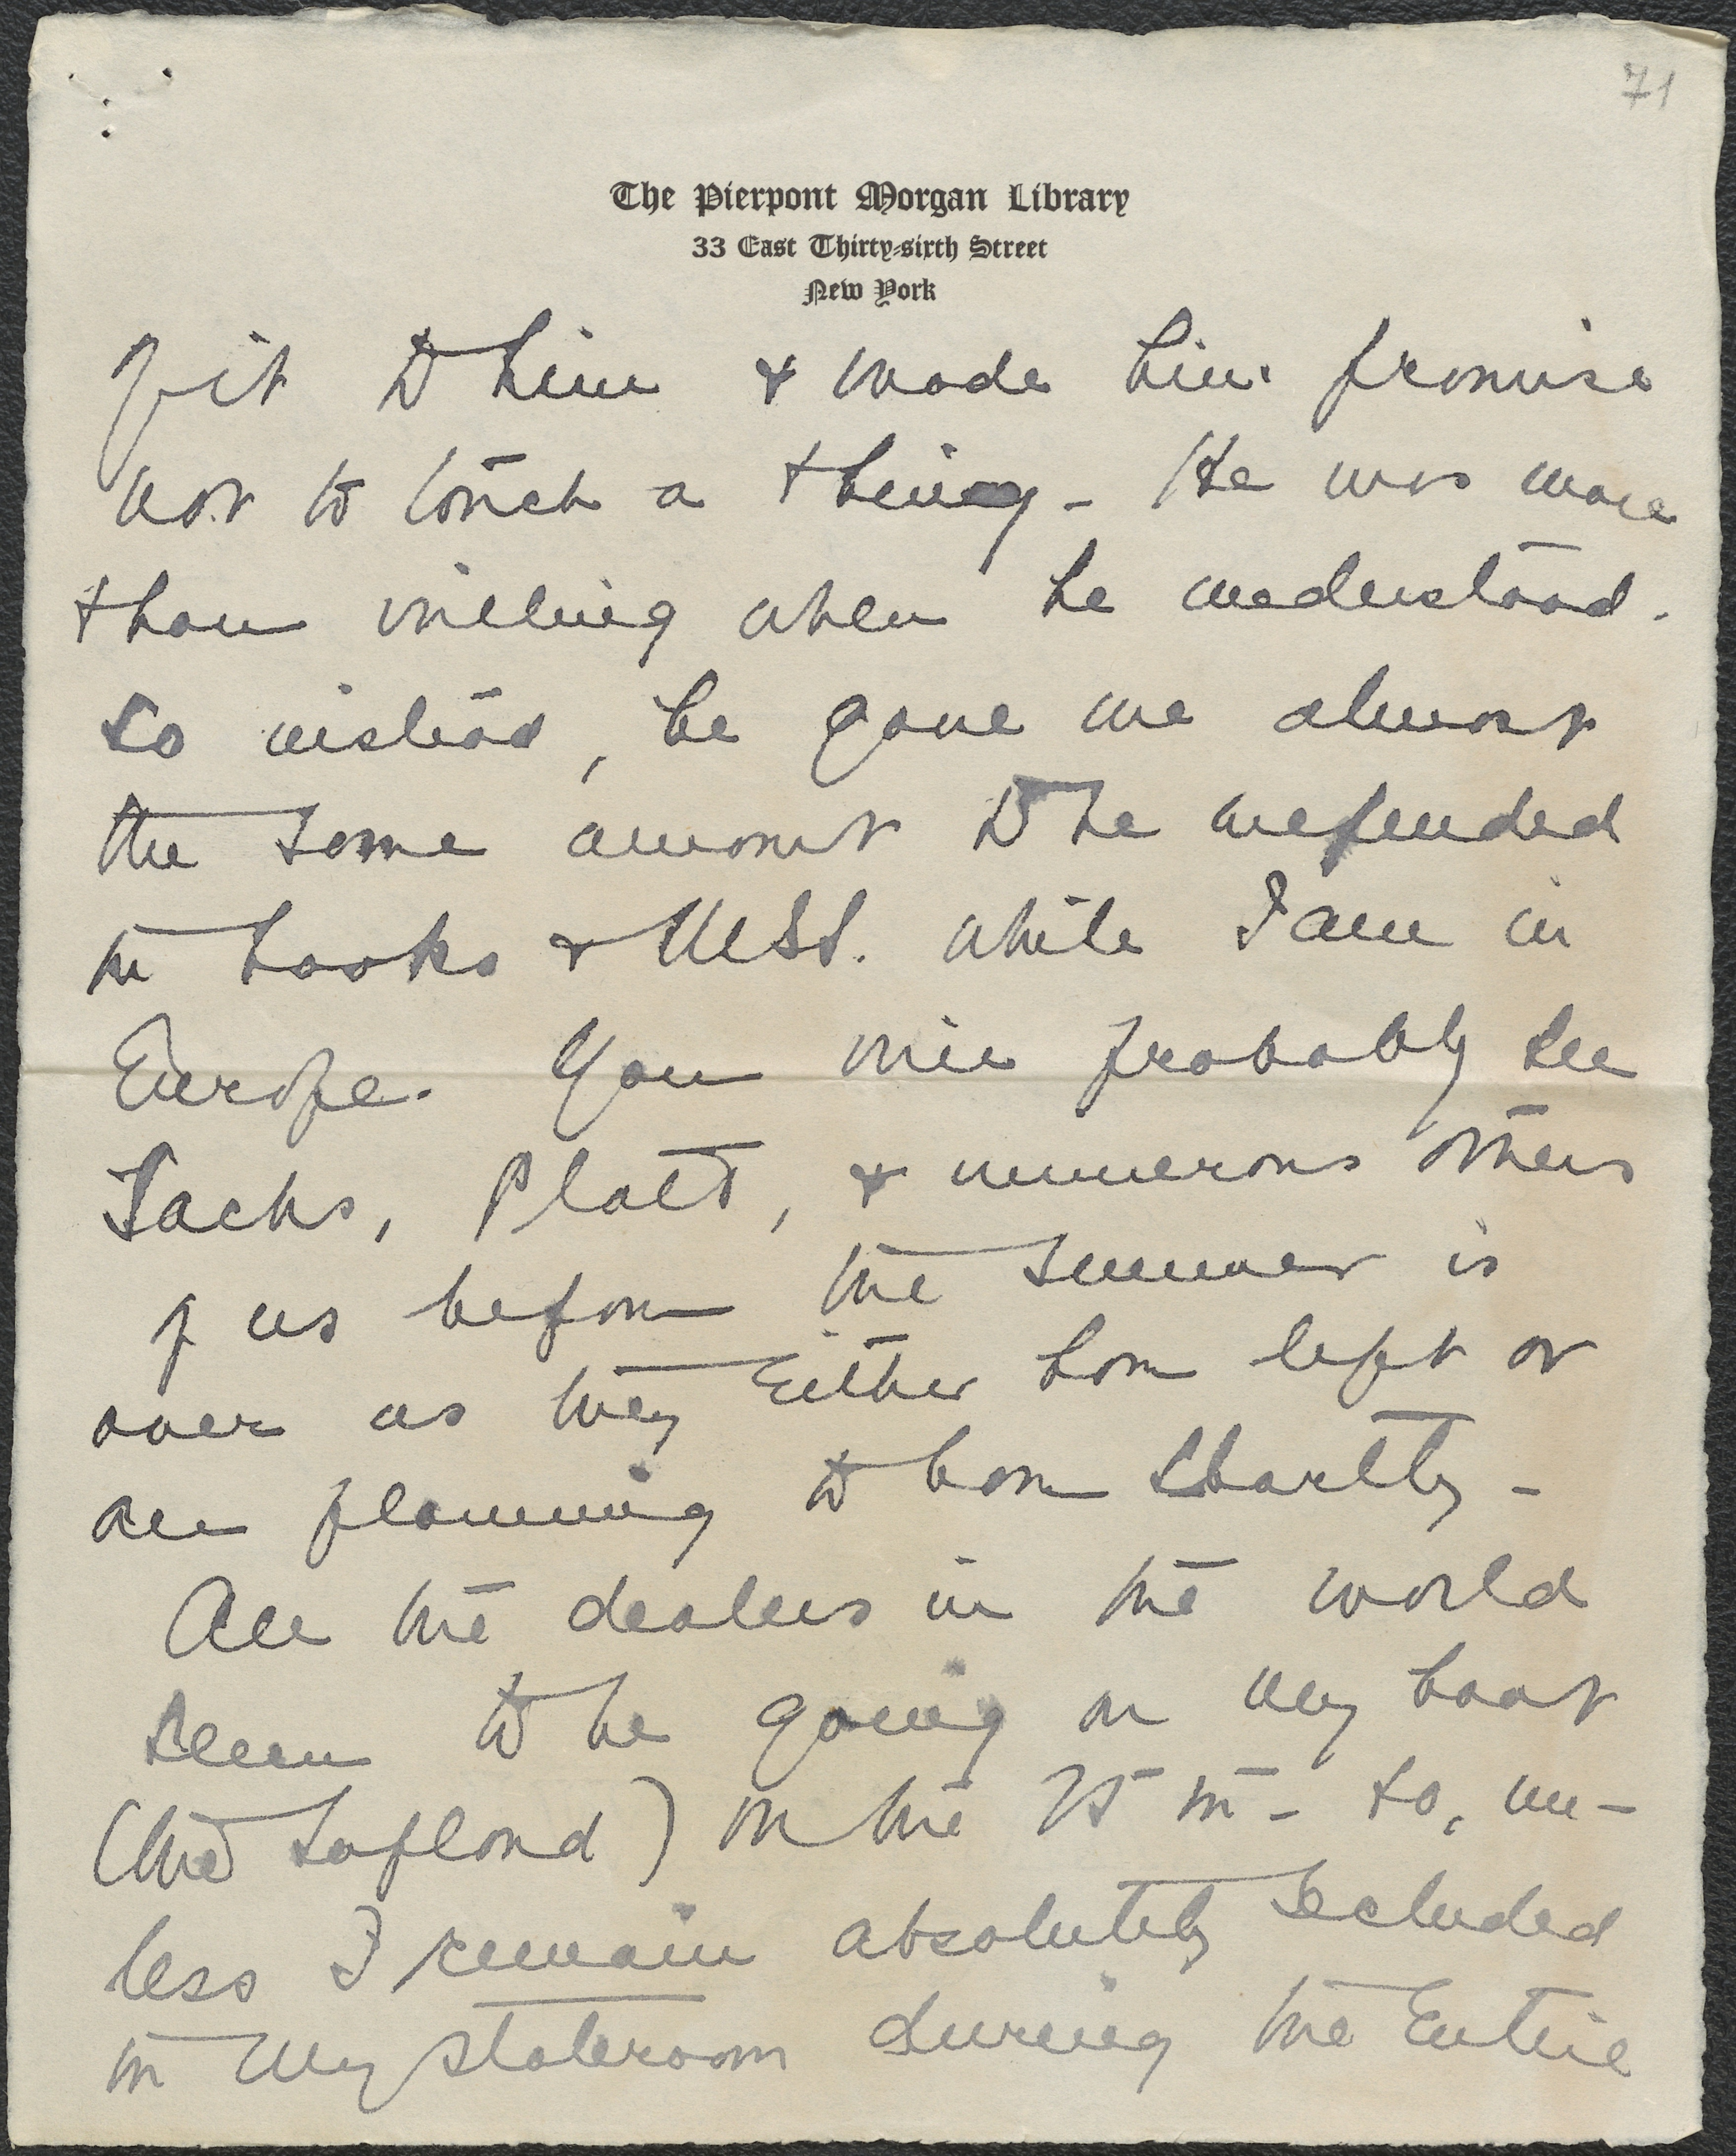of it to him & made him promise not to touch a thing – He was more than willing when he understood so instead, he gave me almost the same amount to be refunded in books & MSS. while I am in Europe. You will probably see Sachs, Platt, & numerous others of us before the summer is over as they either have left or are planning to have shortly –
All the dealers in the world seem to be going on my boat (the Lapland) on the 25th, so, unless I remain absolutely secluded in my stateroom during the entire